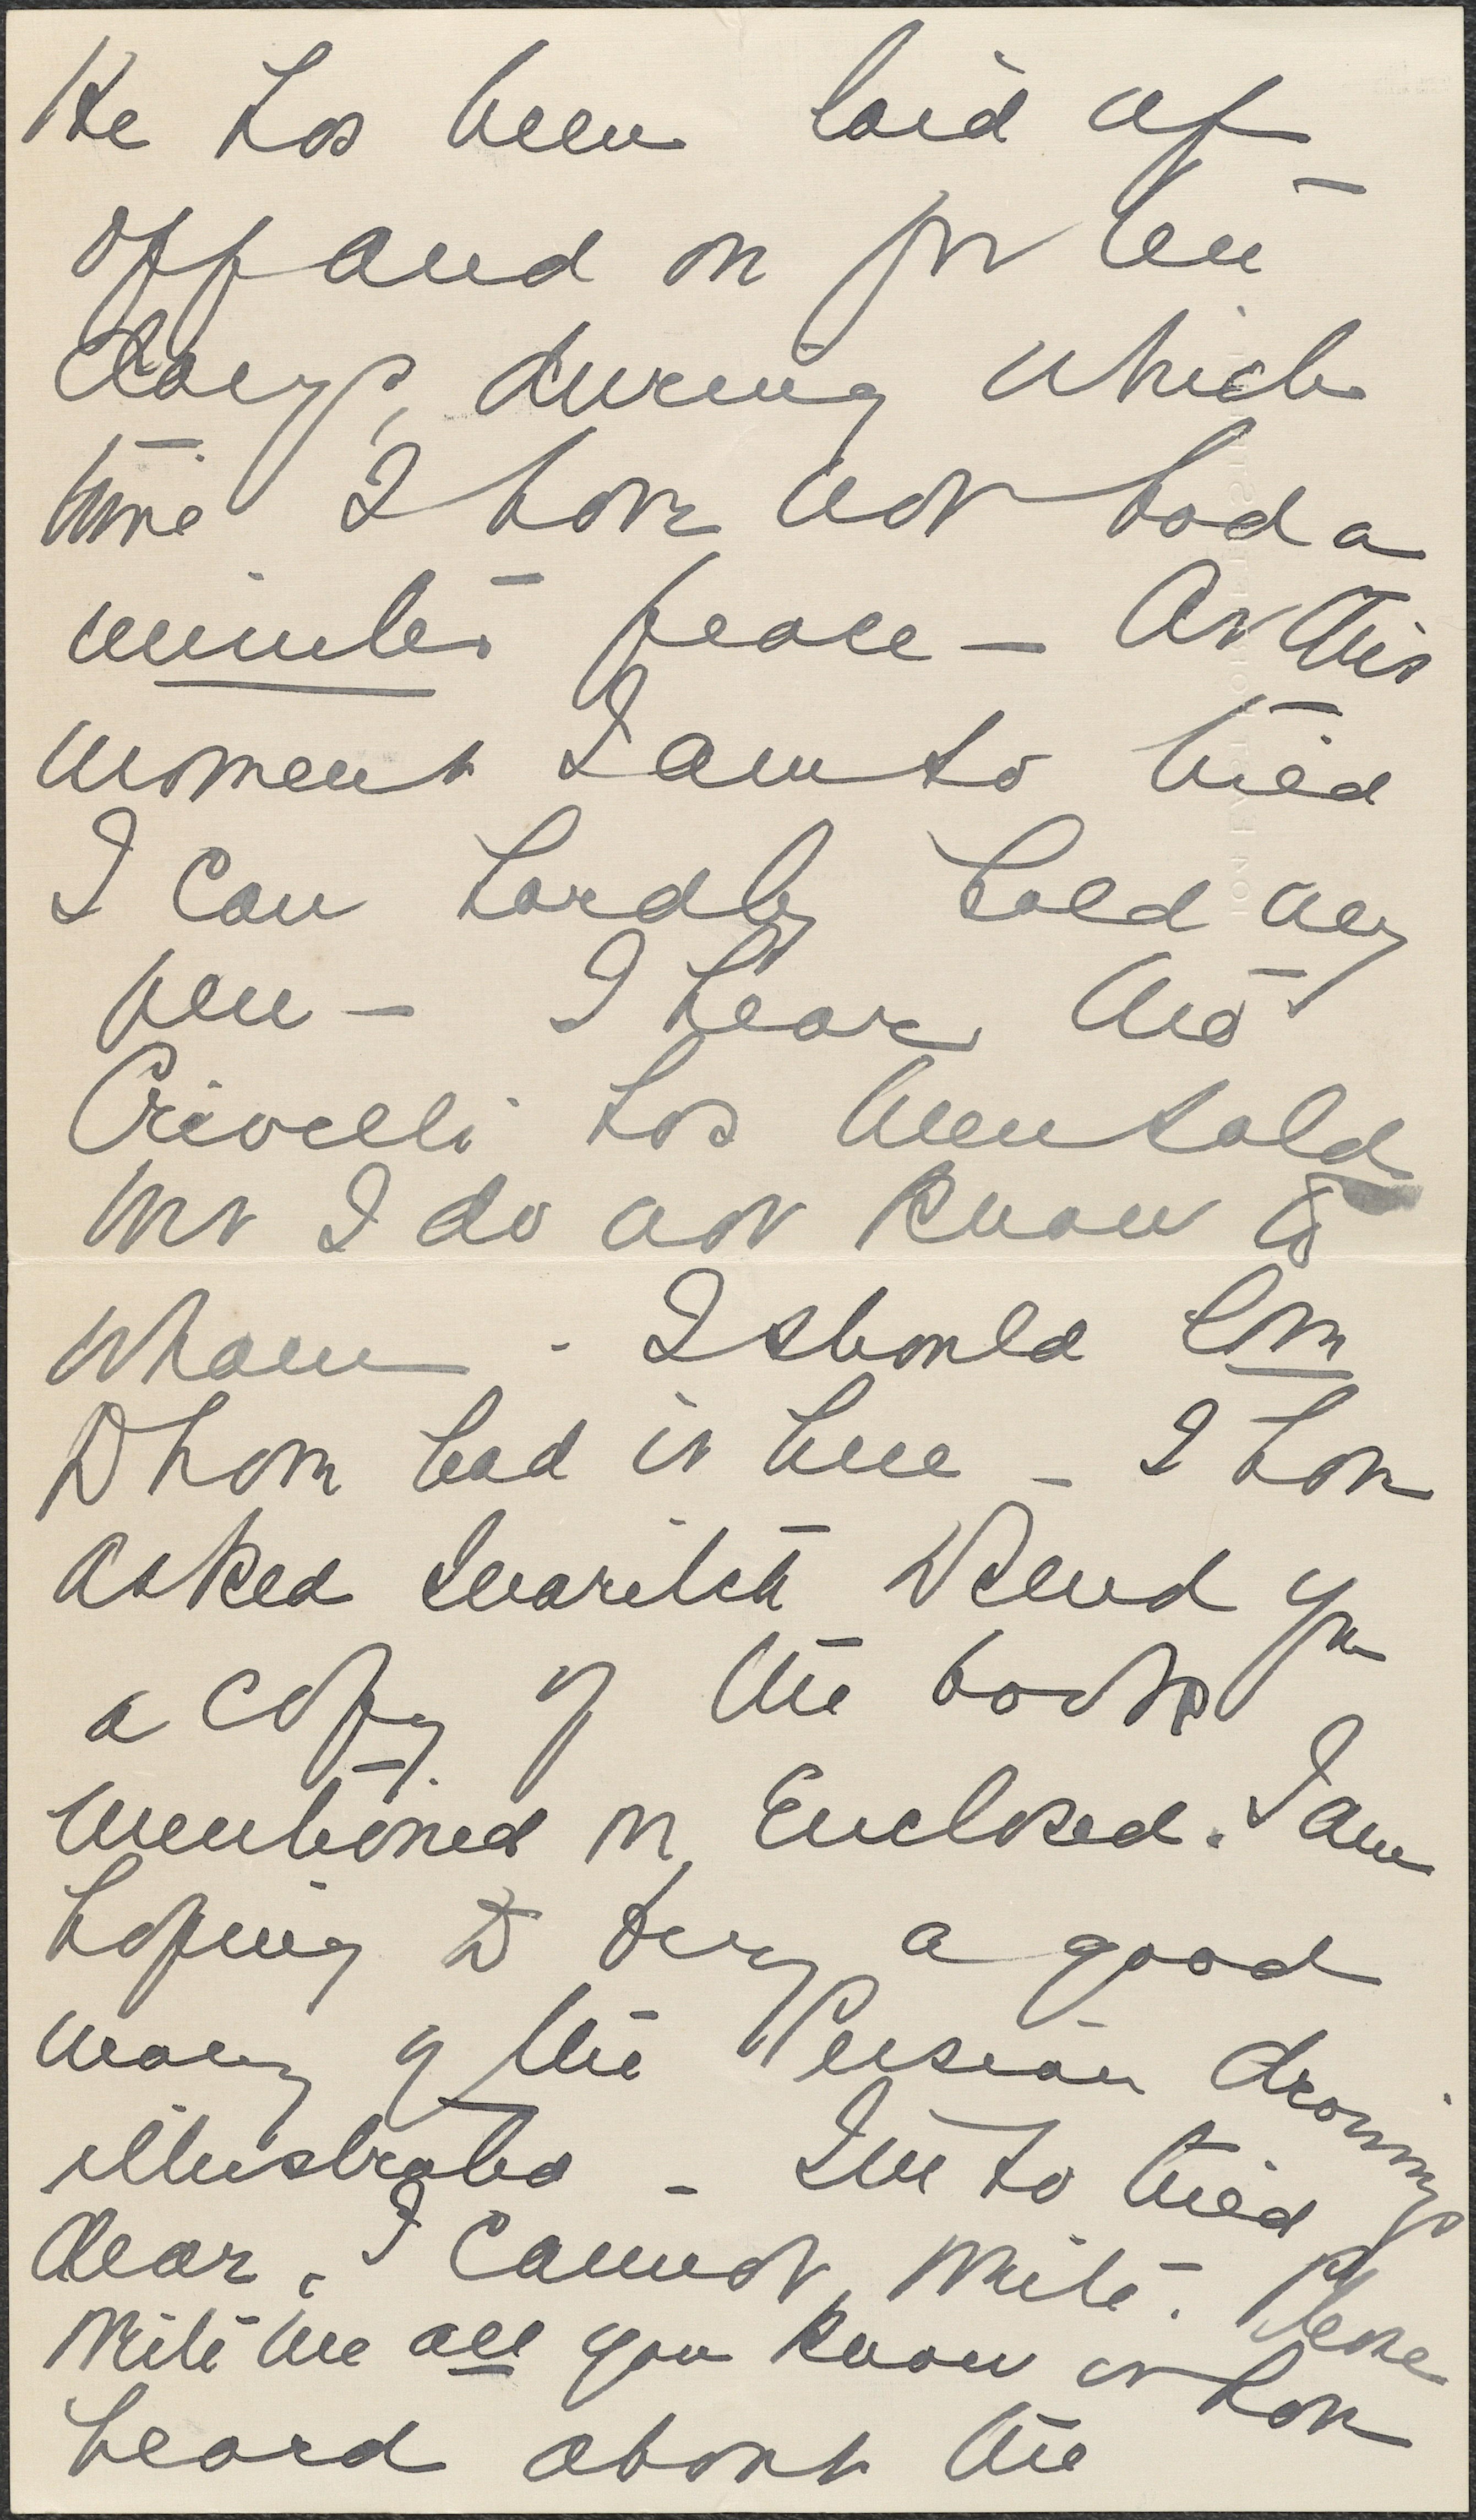He has been laid up off and on for ten days, during which time I have not had a minutes [sic] peace – At this moment I am so tired I can hardly hold my pen – I hear the Crivelli has been sold but I do not know to whom. I should love to have had it here – I have asked Quaritch to send you a copy of the book mentioned in enclosed. I am hoping to buy a good many of the Persian drawings illustrated – Im [sic] so tired dear, I cannot write. Please write me all you know or have heard about the